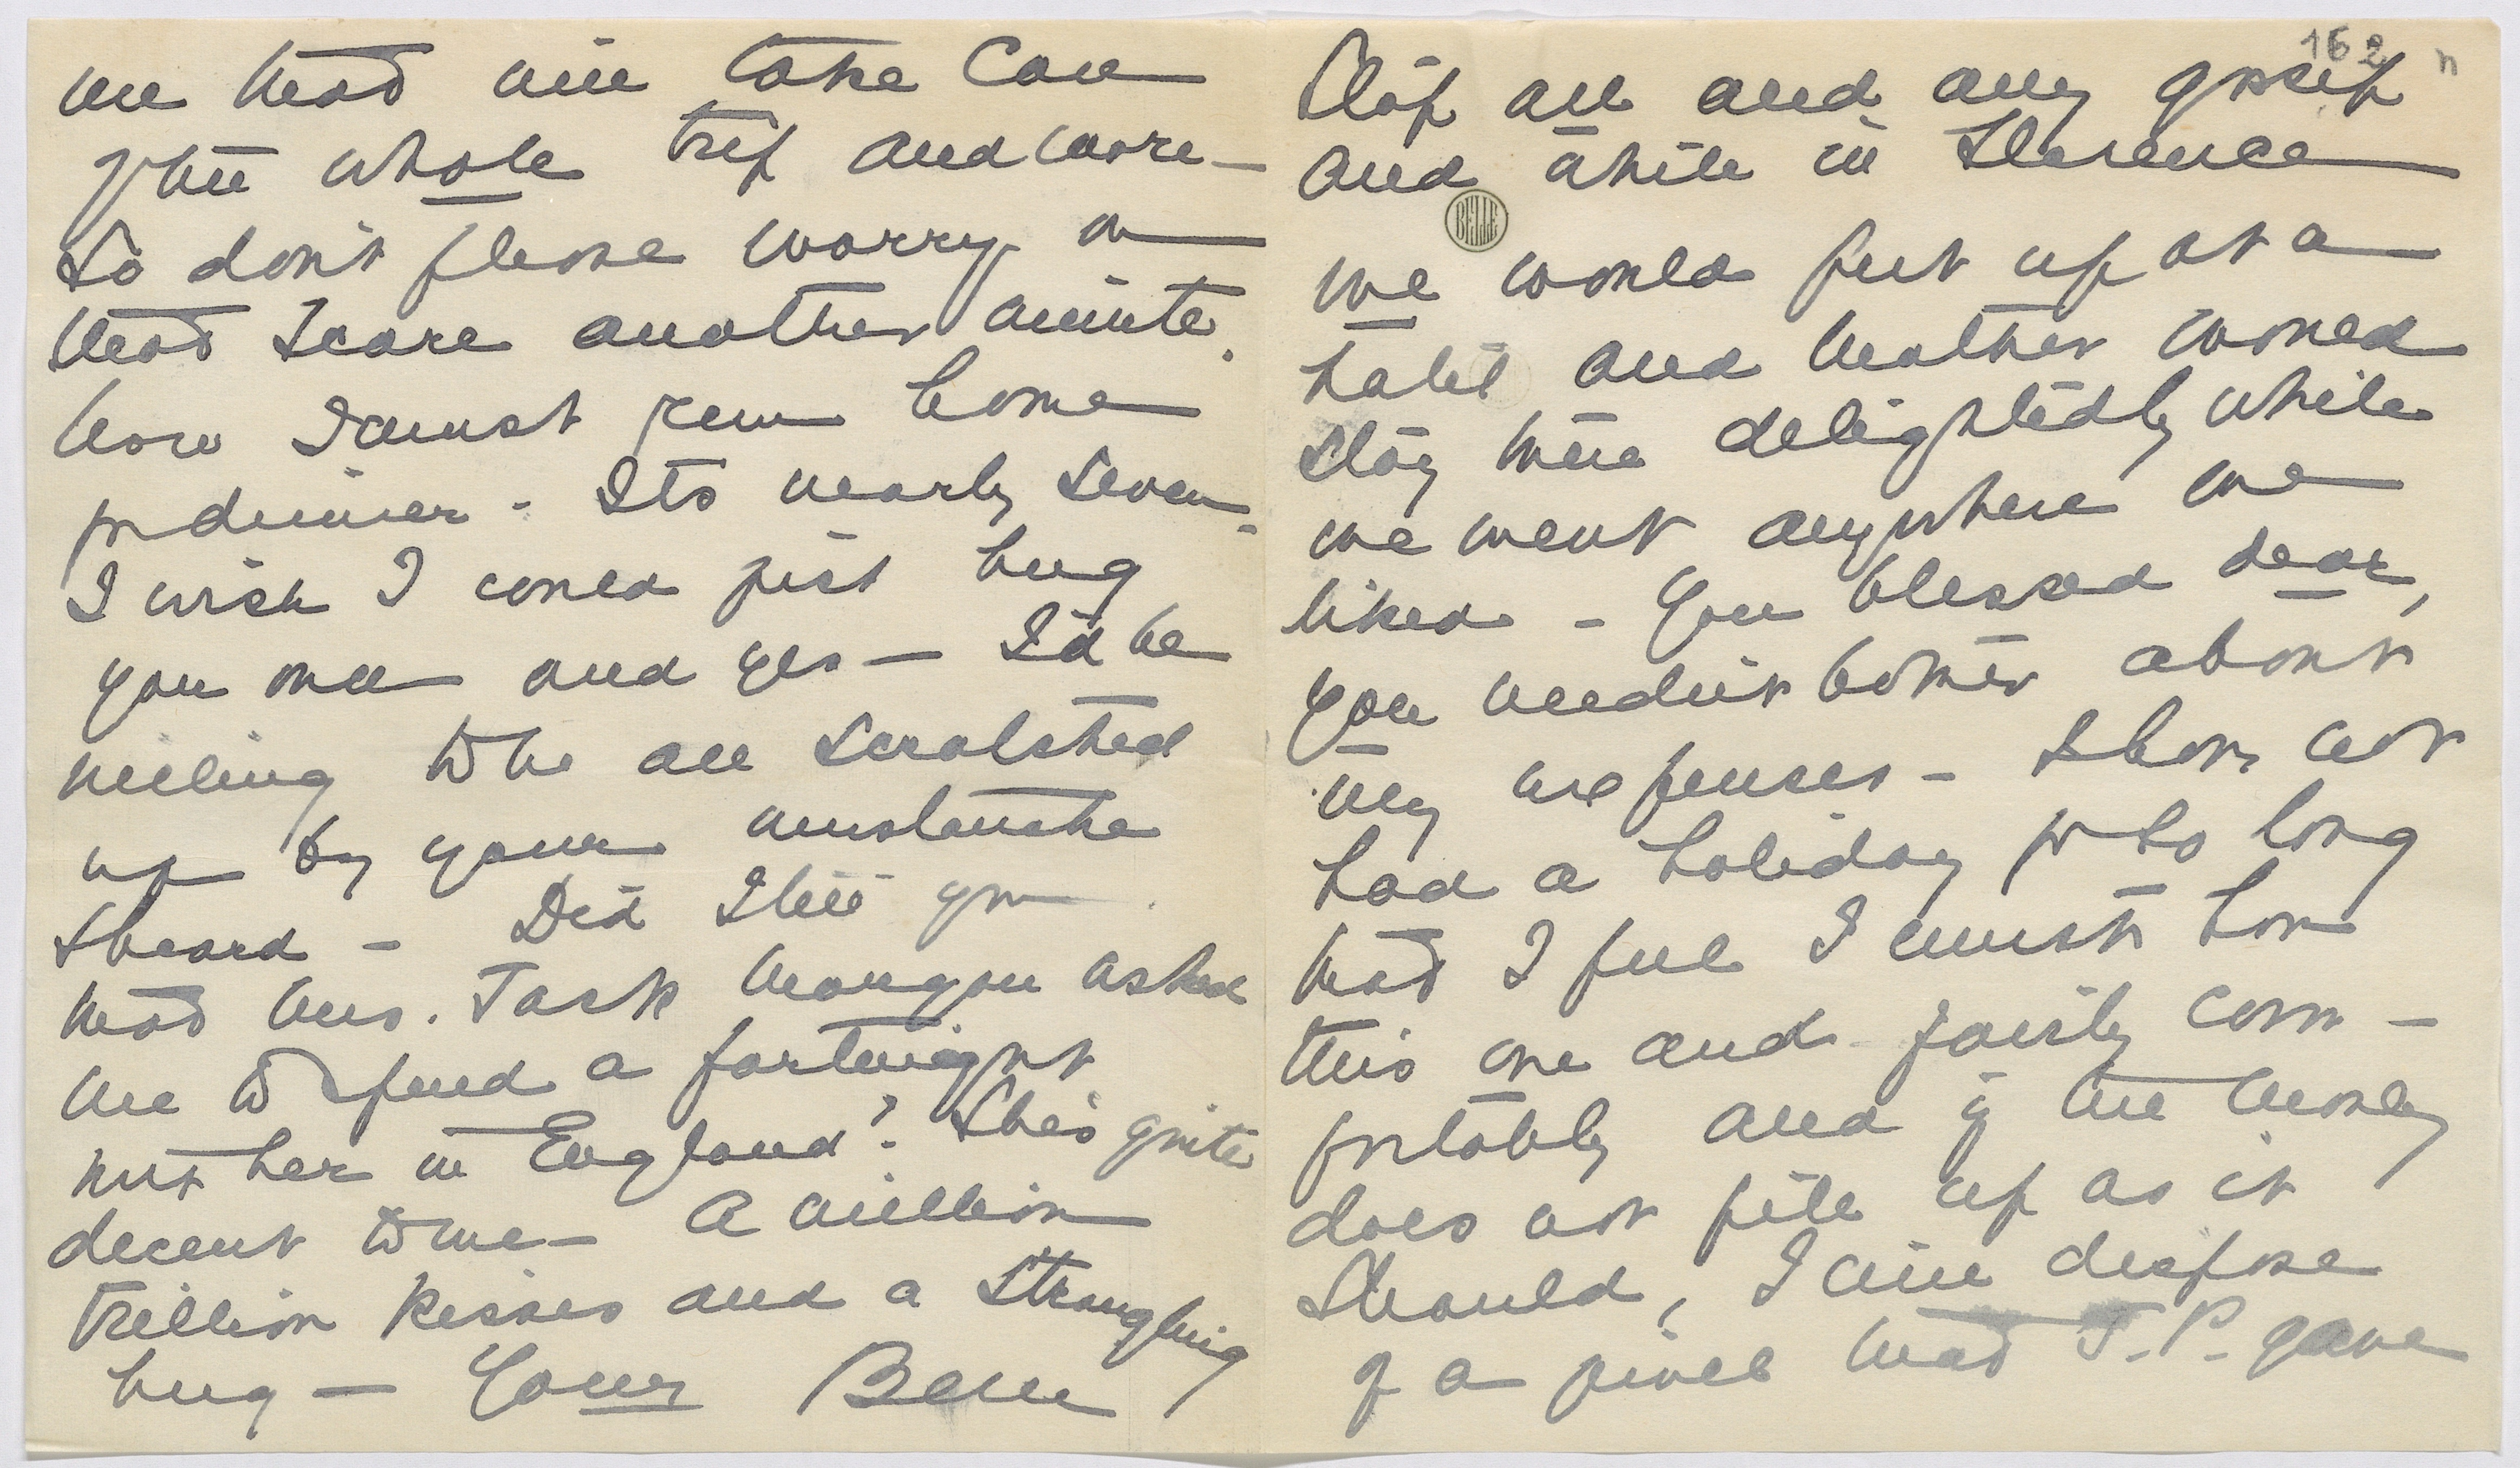stop all and any gossip and while in Florence we would put up at a hotel and Mother would stay there delightedly while we went anywhere we liked – You blessed dear, you needn’t bother about my expenses – I have not had a holiday for so long that I feel I must have this one and fairly comfortably and if the money does not pile up as it should, I will dispose of a jewel that J. P. gave
me that will take care of the whole trip and more – So don’t please worry on that scare another minute. Now I must run home for dinner – Its [sic] nearly seven – I wish I could just hug you well and yes – I’d be willing to be all scratched up by your mustache & beard – Did I tell you that Mrs. Jack Morgan asked me to spend a fortnight with her in England? She’s quite decent to me – a million trillion kisses and a strangling hug – Your Belle